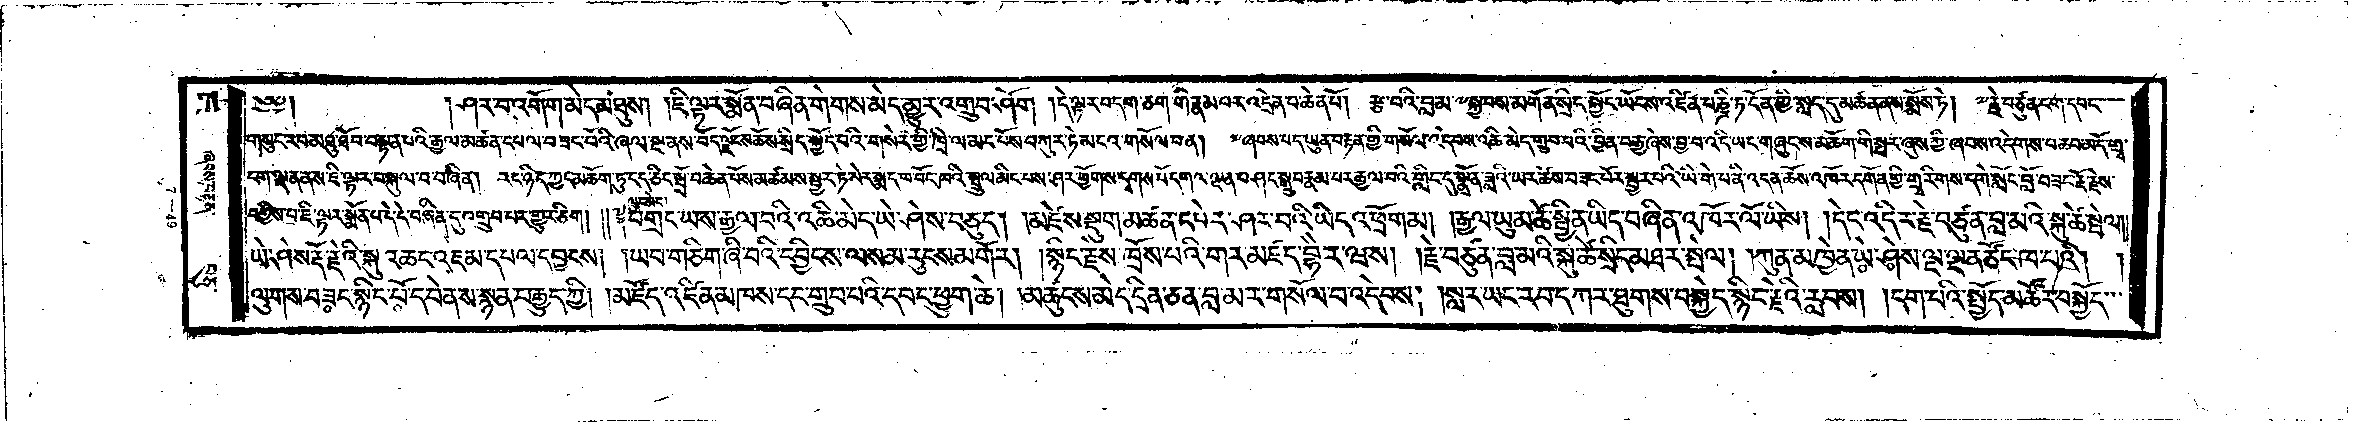༄༅། །ཤར་པ་འགོག་མེད་མཐུས། །ཇི་ལྟར་སྨོན་བཞིན་གེགས་མེད་མྱུར་འགྲུབ་ཤོག །དེ་ལྟར་བདག་ཅག་གི་རྣམ་པར་འདྲེན་པ་ཆེན་པོ། །རྩ་བའི་བླ་མ ༧སྐྱབས་མགོན་སྲིད་སྐྱོང་ཡོངས་འཛིན་པཎྜི་ཏ་དོན་གྱི་སླད་དུ་མཚན་ནས་སྨོས་ཏེ། ༧རྗེ་བཙུན་ངག་དབང་
གསུང་རབ་མཐུ་ཐོབ་བསྟན་པའི་རྒྱལ་མཚན་དཔལ་བཟང་པོའི་ཞལ་སྔ་ནས་བོད་ལྗོངས་ཆོས་སྲིད་སྐྱོང་པའི་གསེར་གྱི་ཁྲི་ལ་མང་བོས་བཀུར་ཏེ་མངའ་གསོལ་བ་ན། ༧ཞབས་པད་ཡུན་བརྟན་གྱི་གསོལ་འདེབས་འཆི་མེད་གྲུབ་པའི་བྱིན་བརྒྱ་ཞེས་བྱ་བ་འདི་ཡང་གཞུང་ས་མཆོག་གི་སྦར་ཞུས་ཀྱི་ཞབས་འདེགས་པ་ཆབ་མདོ་གྲྭ་
ངག་ལྡན་ནས་ཇི་ལྟར་བསྐུལ་བ་བཞིན། རང་ཉིད་ཀྱང་མཆོག་ཏུ་ངད་ཅིང་སྤྲོ་བ་ཆེན་པོས་མཆམས་སྦྱར་ཏེ་སེར་སྨད་ཕ་བོང་ཁའི་སྤྲུལ་མིང་པས་ཤར་ཕྱོགས་རྭགས་པོ་དགའ་ལྡན་བཤད་སྒྲུབ་རྣམ་པར་རྒྱལ་བའི་གླིང་དུ་སྣོན་ཟླའི་ཡར་ཚེས་བཟང་པོར་སྦྱར་བའི་ཡི་གེ་པ་ནི་འདན་ཆོས་འཁོར་དགོན་གྱི་གྲྭ་རིགས་དགེ་སློང་བློ་བཟང་རྡོ་རྗེས་
བགྱིས་པ་ཇི་ལྟར་སྨོན་པ་དེ་དེ་བཞིན་དུ་འགྲུབ་པར་གྱུར་ཅིག ། །། ༈ བགྲང་ཡས་རྒྱལ་བའི་འཆི་མེད་ཡེ་ཤེས་བཅུད། །མཛེས་སྡུག་མཚན་དཔེར་ཤར་བའི་ཡིད་འཕྲོག་མ། །རྒྱལ་ཡུམ་ཚེ་སྤྱིན་ཡིད་བཞིན་འཁོར་ལོ་ཡིས། །དེར་འདིར་རྗེ་བཙུན་བླ་མའི་སྐུ་ཚེ་སྤེལ་
ཡེ་ཤེས་རྡོ་རྗེའི་སྐུ་འཆང་འཇམ་དཔལ་དབྱངས། །ཡབ་གཅིག་ཞི་བའི་དབྱིངས་ལས་མ་རུངས་མགོར། །སྙིང་རྗེ་ཁྲོས་པའི་གར་མཛད་བྷཻ་ར་ཝས། །རྗེ་བཙུན་བླ་མའི་སྐུ་ཚེ་སྲིད་མཐར་སྤེལ། །ཀུན་མཁྱེན་ཡེ་ཤེས་ལྔ་ལྡན་ཙོང་ཁ་པའི། །
ལུགས་བཟང་སྙིང་པོ་དབེན་ས་སྙན་བརྒྱུད་ཀྱི། །མཛོད་འཛིན་མཁས་དང་གྲུབ་པའི་དབང་ཕྱུག་ཆེ། །མཚུངས་མེད་དྲིན་ཅན་བླ་མར་གསོལ་བ་འདེབས། །སླར་ཡང་རབ་དཀར་ཐུགས་བསྐྱེད་སྙིང་རྗེའི་རླབས། །དག་པའི་སྤྱད་མཚོར་བསྐྱོད་